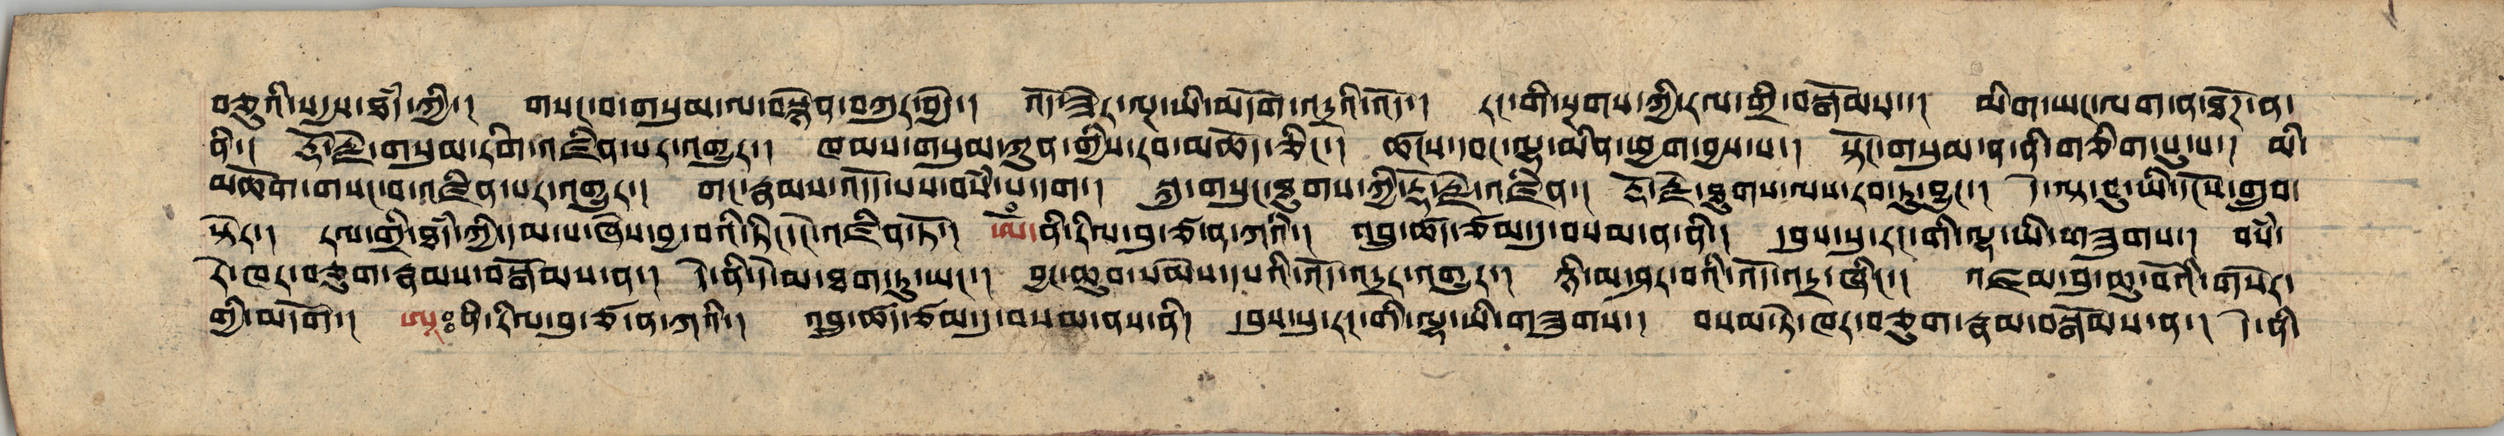བཅུའི་སདྱས་ཐཾད་ཀྱི་། གསང་བ་གསུམ་ལ་བསྙེན་བཀུར་བྱེད་། འོད་ཟེར་ལྔ་ཡི་མདོག་འདྲའི་འོད་། རང་གི་སྔགས་ཀྱི་རལ་གྲི་བསྒོམས་། མིག་ཡང་ལག་ན་ཐོཌ་ན་
ནི་། རྡོ་རྗེ་གསུམ་རིག་འཛིན་པར་འགྱུར་། ཁམས་གསུམ་ཀུན་གྱིས་རབ་མཆོད་ཅིང་། ཚངས་དབང་ལྷ་མིན་ཕྱག་བྱས་པ་། སྟོང་གསུམ་ན་ནི་གཅིག་པུ་པ་། མི་
མཆོག་གསང་བ་འཛིན་པར་འགྱུར་། གང་རྣམས་འདོད་པས་བསཾ་པ་དག་། སྐུ་གསུང་ཐུགས་ཀྱི་རྡོ་རྗེ་འཛིན་། རྡོ་རྗེ་ཐུགས་ལས་རབ་ཏུ་བྱུང་།། དེ་ལྟ་བུ་ཡི་དངོས་གྲུབ་
སྟེར་། རལ་གྲི་ཐཾད་ཀྱི་དམ་པ་ཞེས་བྱ་བའི་ཏིང་ངེ་འཛིན་ཏོ་། ཨོཾ་ནི་རིལ་བུ་ཙ་ན་ཀའི་། འབྲུ་ཚད་ཙམ་དུ་བསམ་ན་ནི་། དབུས་སུ་རང་གི་ལྷ་ཡི་གཟུགས་། བསཾ་
རེ་ཁར་བཅུག་རྣམས་བསྒོམས་ན་། དེ་ནི་དེ་མ་ཐག་ཏུ་ཡང་། བྱང་ཆུབ་སེམས་དཔའི་འོད་འདྲར་འགྱུར་། ཉི་མ་ཤར་བའི་འོད་འདྲ་ཞིང་། འཛམ་བུ་ཆུ་བོའི་གསེར་
གྱི་མདོག་། ཨཱཿ་ནི་རིལ་བུ་ཙ་ན་ཀའི་། འབྲུ་ཚད་ཙམ་དུ་བསམ་ནས་ནི་། དབུས་སུ་རང་གི་ལྷ་ཡི་གཟུགས་། བསམ་ཏེ་ཁར་བཅུག་རྣམ་བསྒོམས་ན་། དེ་ནི་